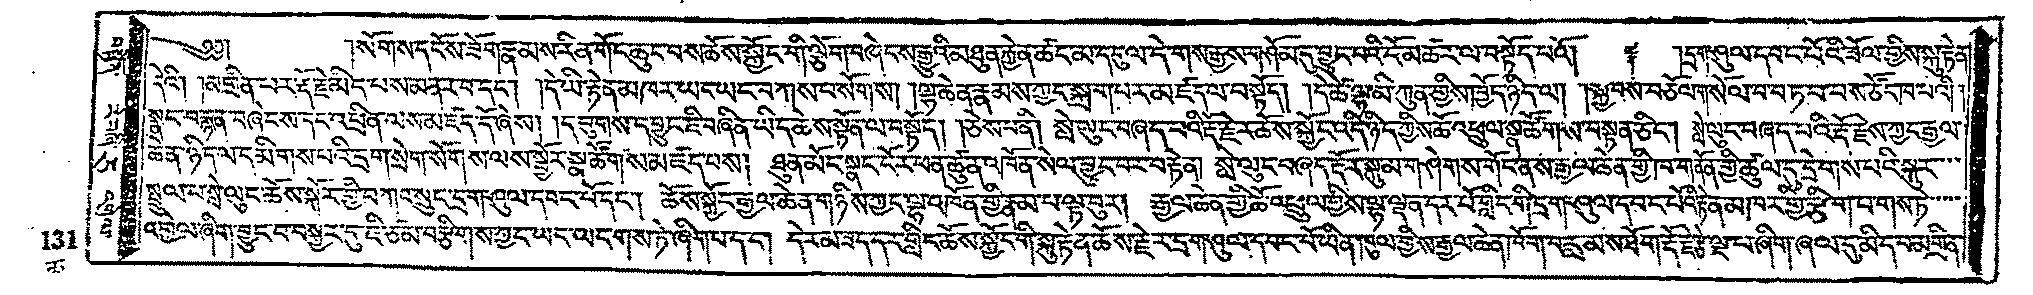༄༅། །སོགས་དངོས་ཟོག་རྣམས་རིན་གོང་ཆུང་བས་ཆོས་སྐྱོང་གི་ལྕོག་བཞེངས་རྒྱུའི་མཐུན་རྐྱེན་ཚང་མ་དངུལ་དེ་གས་རྒྱས་གཤོམ་དུ་བྱུང་བའི་ངོ་མཚར་ལ་བསྟོད་པའོ། ༈ །དྲག་ཤུལ་དབང་པོའི་ཟོལ་གྱིས་སྐུ་རྟེན་
དེའི། །མགྲིན་པར་རྡོ་རྗེ་མེད་པས་མནར་བ་དང་། །དེ་ཡི་རྟེན་མཁར་ཡང་ཡང་བཀས་པ་སོགས། །ལྷ་ཆེན་རྣམས་ཀྱང་སྐྲག་པར་མཛད་ལ་བསྟོད། །དེ་ཚེ་ལྷ་མི་ཀུན་གྱིས་ཁྱོད་ཉིད་ལ། །སྐྱབས་བཅོལ་གསོལ་བ་བཏབ་པས་ཙོང་ཁ་པའི། །
སྣང་བརྙན་བཞེངས་དང་འཕྲིན་ལས་མཛད་དོ་ཞེས། །དབུགས་དབྱུང་ཇི་བཞིན་ཡིད་ཆེས་སྟོན་ལ་བསྟོད། །ཅེས་པ་ནི། སླེ་ལུང་བཞད་པའི་རྡོ་རྗེར་ཆོས་སྐྱོང་འདི་ཉིད་ཀྱིས་ཆོ་འཕྲུལ་སྣ་ཚོགས་བསྟན་ཅིང་། སླེ་ལུང་བཞད་པའི་རྡོ་རྗེས་ཀྱང་རྒྱལ་
ཆེན་ཉིད་ལ་དམིགས་པའི་དྲག་སྲེག་སོགས་ལས་སྦྱོར་སྣ་ཚོགས་མཛད་པས། ཐུན་མོང་སྣང་ངོར་ཕན་ཚུན་འཁོན་སེལ་བྱུང་བར་བརྟེན། སླེ་ལུང་བཞད་རྡོར་སྐུ་མ་གཤེགས་གོང་ནས་རྒྱལ་ཆེན་གྱི་ཁ་གནོན་གྱི་ཚུལ་དུ་དྲེགས་པའི་སྐུར་
སྤྲུལ་པ་སླེ་ལུང་ཆོས་སྐོར་གྱི་བཀའ་སྲུང་དྲག་ཤུལ་དབང་པོ་དང་། ཆོས་སྐྱོང་རྒྱལ་ཆེན་གཉིས་ཀྱང་ལྷ་འཁོན་གྱི་རྣམ་པ་ལྟ་བུར། རྒྱལ་ཆེན་གྱི་ཆོ་འཕྲུལ་གྱིས་ལྷ་ལྡན་དར་པོ་གླིང་གི་དྲག་ཤུལ་དབང་པོའི་རྟེན་མཁར་གྱི་རྩིག་པ་གས་ཏེ་
འགྱེལ་ཞིག་བྱུང་བ་བསྐྱར་དུ་ཇི་ཙམ་བརྩིགས་ཀྱང་ཡང་ཡང་གས་ཏེ་ཞིག་པ་དང་། དེར་མ་ཟད་དར་གླིང་ཆོས་སྐྱོང་གི་སྐུ་རྟེན་ཆོས་རྗེར་དྲག་ཤུལ་དབང་པོ་ཡིན་ཁུལ་གྱིས་རྒྱལ་ཆེན་ཁོག་བརླམས་ཐོག་རྡོ་རྗེ་རྩེ་ལྔ་པ་ཞིག་ཞལ་དུ་མིད་པ་མགྲིན་